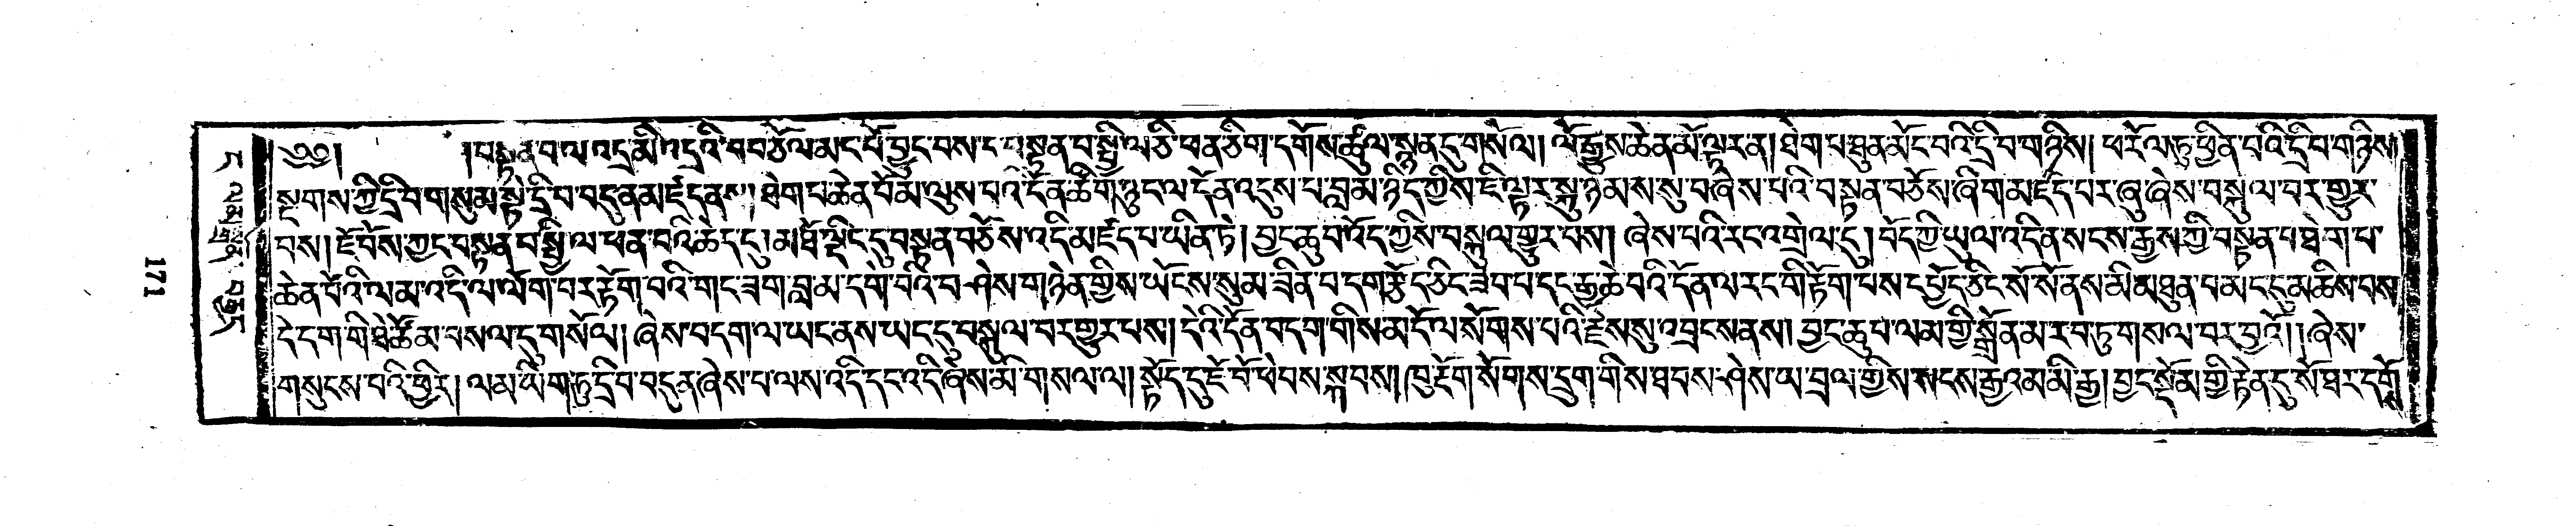༄༅། །བསྟན་པ་ལ་འདྲ་མི་འདྲའི་བབ་ཅོལ་མང་པོ་བྱུང་བས་ད་བསྟན་པ་སྤྱི་ལ་ཅི་ཕན་ཅིག་དགོས་ཚུལ་སྙན་དུ་གསོལ། ལོ་རྒྱུས་ཆེན་མོ་ལྟར་ན། ཐེག་པ་ཐུན་མོང་བའི་དྲི་བ་གཉིས། ཕ་རོལ་ཏུ་ཕྱིན་པའི་དྲི་བ་གཉིས་
སྔགས་ཀྱི་དྲི་བ་གསུམ་སྟེ་དྲི་བ་བདུན་མཛད་ནས། ཐེག་པ་ཆེན་པོ་མ་ལུས་པའི་དོན་ཚིག་ཉུང་ལ་དོན་འདུས་པ་བླ་མ་ཉིད་ཀྱིས་ཇི་ལྟར་སྐུ་ཉམས་སུ་བཞེས་པའི་བསྟན་བཅོས་ཞིག་མཛད་པར་ཞུ་ཞེས་བསྐུལ་བར་གྱུར་
པས། ཇོ་བོས་ཀྱང་བསྟན་པ་སྤྱི་ལ་ཕན་པའི་ཆེད་དུ། མཐོ་ལྡིང་དུ་བསྟན་བཅོས་འདི་མཛད་པ་ཡིན་ཏེ། བྱང་ཆུབ་འོད་ཀྱིས་བསྐུལ་གྱུར་པས། ཞེས་པའི་རང་འགྲེལ་དུ། འོད་?་ཀྱི་ཡུལ་འདི་ན་སངས་རྒྱས་ཀྱི་བསྟན་པ་ཐེག་པ་
ཆེན་པོའི་ལམ་འདི་ལ་ལོག་པར་རྟོག་པའི་གང་ཟག་བླ་མ་དགེ་བའི་བཤེས་གཉེན་གྱིས་ཡོངས་སུ་མ་ཟིན་པ་དག་རྩོད་ཅིང་ཟབ་པ་དང་རྒྱ་ཆེ་བའི་དོན་ལ་རང་གི་རྟོག་པས་དཔྱོད་ཅིང་སོ་སོ་ནས་མི་མཐུན་པ་མང་དུ་མཆིས་པས་
དེ་དག་གི་ཐེ་ཚོམ་བསལ་དུ་གསོལ། ཞེས་བདག་ལ་ཡང་ནས་ཡང་དུ་བསྐུལ་བར་གྱུར་པས། དེའི་དོན་བདག་གིས་མདོ་ལ་སོགས་པའི་རྗེས་སུ་འབྲངས་ནས། བྱང་ཆུབ་ལམ་གྱི་སྒྲོན་མ་རབ་ཏུ་གསལ་བར་བྱའོ། །ཞེས་
གསུངས་པའི་ཕྱིར། ལམ་ཡིག་ཏུ་དྲི་བ་བདུན་ཞེས་པ་ལས་འདི་དང་འདི་ཞེས་མི་གསལ་ལ། སྟོད་དུ་ཇོ་བོ་ཕེབས་སྐབས། ཁུ་རྔོག་སོགས་དྲུག་གིས་ཐབས་ཤེས་ཡ་བྲལ་གྱིས་སངས་རྒྱའམ་མི་རྒྱ། བྱང་སྡོམ་གྱི་རྟེན་དུ་སོ་ཐར་དགོས་